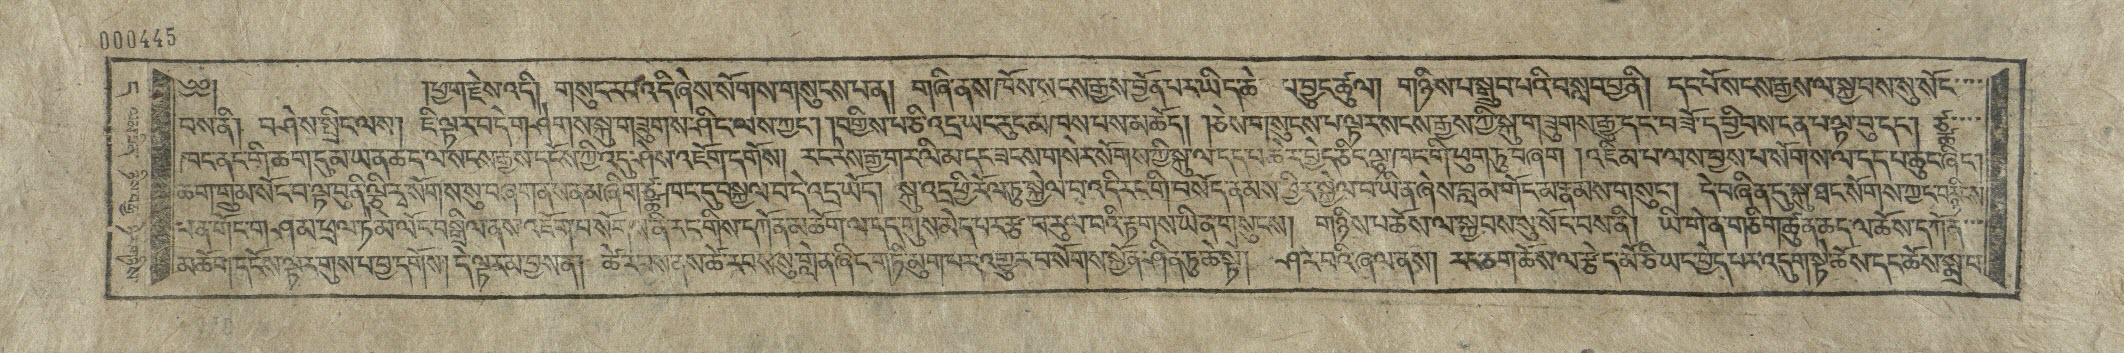༄༅། །ཕྱག་རྗེས་འདི། གསུང་རབ་འདི་ཞེས་སོགས་གསུངས་པ་ན། གཞི་ནས་ཁོས་སངས་རྒྱས་བྱོན་པར་ཡིད་ཆེས་པ་བྱུང་ཚུལ། གཉིས་པ་སྒྲུབ་པའི་བསླབ་བྱ་ནི། དང་པོ་སངས་རྒྱས་ལ་སྐྱབས་སུ་སོང་
བས་ནི། བཤེས་སྤྲིང་ལས། ཇི་ལྟར་བདེ་གཤེགས་སྐུ་གཟུགས་ཤིང་ལས་ཀྱང་། །བགྱིས་པ་ཅི་འདྲ་ཡང་རུང་མཁས་པས་མཆོད། །ཅེས་གསུངས་པ་ལྟར་སངས་རྒྱས་ཀྱི་སྐུ་གཟུགས་རྒྱུ་དང་བཟོ་དབྱིབས་ངན་པ་ལྟ་བུ་དང་། ཙྪ་
ཁང་ནང་གི་ཆག་དུམ་ཡན་ཆད་ལ་སངས་རྒྱས་དངོས་ཀྱི་འདུ་ཤེས་འཇོག་དགོས། རང་རེས་རྒྱ་གར་ལི་མ་དང་ཟངས་གསེར་སོགས་ཀྱི་སྐུ་ལ་དད་པ་ཆེར་བྱེད་ཅིང་ལྷ་ཁང་གི་ཕུག་ཏུ་བཞག །འཇིམ་པ་ལས་བྱས་པ་སོགས་ལ་དད་པ་ཆུང་ཞིང་།
ཆག་གྲུམ་སོང་བ་ལྟ་བུ་ནི་ལྕི་རྭ་སོགས་སུ་བཞག་ནས་ནམ་ཞིག་ཙྪ་ཁང་དུ་བསྐྱལ་བ་དེ་འདྲ་ཡོད། སྐུ་འདྲ་ཕྱི་རོལ་ཏུ་སྐྱེལ་བ་འདི་རང་གི་བསོད་ནམས་ཕྱིར་སྐྱེལ་བ་ཡིན་ཞེས་བླ་མ་གོང་མ་རྣམས་གསུང་། དེ་བཞིན་དུ་སྐུ་ཐང་སོགས་ཀྱང་བརྙིངས་
པ་ན་གོང་གཤམ་ཕྲལ་ཏེ་མེ་ལོང་བསྒྲིལ་ནས་འཇོག་པ་སོགས་ནི་རང་གིས་དཀོན་མཆོག་ལ་དད་གུས་མེད་པར་རྩ་བ་རུལ་བའི་རྟགས་ཡིན་གསུངས། གཉིས་པ་ཆོས་ལ་སྐྱབས་སུ་སོང་བས་ནི། ཡི་གེ་ན་གཅིག་ཚུན་ཆད་ལ་ཆོས་དཀོན་
མཆོག་དངོས་ལྟར་གུས་པ་བྱ་དགོས། དེ་ལྟར་མ་བྱས་ན། ཚེ་རབས་ནས་ཚེ་རབས་སུ་གླེན་ཞིང་གཏི་མུག་པར་འགྱུར་བ་སོགས་སྐྱོན་ཤིན་ཏུ་ཆེ་སྟེ། ཤར་བའི་ཞལ་ནས། རང་ཅག་ཆོས་ལ་རྩེད་མོ་ཅི་ཡང་བྱེད་པར་འདུག་སྟེ་ཆོས་དང་ཆོས་སྨྲ་བ་